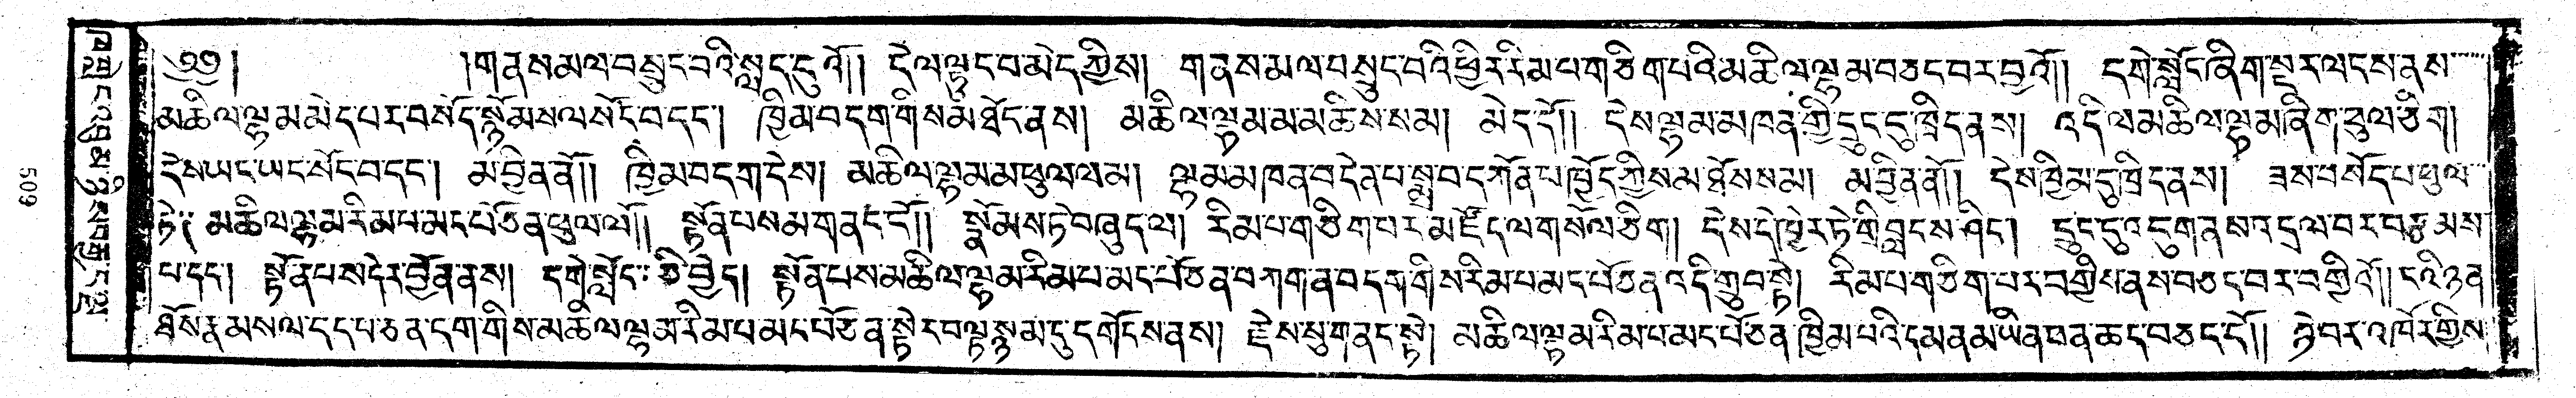༄༅། །གནས་མལ་བསྲུང་བའི་སླད་དུའོ།། དེ་ལ་ལྟུང་བ་མེད་ཀྱིས། གནས་མལ་བསྲུང་བའི་ཕྱིར་རིམ་པ་གཅིག་པའི་མཆིལ་ལྷམ་བཅང་བར་བྱའོ།། དགེ་སློང་ཞིག་སྔར་ལངས་ནས་
མཆིལ་ལྷམ་མེད་པར་བསོད་སྙོམས་ལ་སོང་བ་དང་། ཁྱིམ་བདག་གིས་མཐོང་ནས། མཆིལ་ལྷམ་མ་མཆིས་སམ། མེད་དོ།། དེས་ལྷམ་མཁན་གྱི་དྲུང་དུ་ཁྲིད་ནས། འདི་ལ་མཆིལ་ལྷམ་ཞིག་ཕུལ་ཅིག།
དེས་ཡང་ཡང་སོང་བ་དང་། མ་བྱིན་ནོ།། ཁྱིམ་བདག་དེས། མཆིལ་ལྷམ་མ་ཕུལ་ལམ། ལྷམ་མཁན་བདེན་པ་སྨྲ་བ་དཀོན་པ་ཁྱོད་ཀྱིས་མ་ཐོས་སམ། མ་བྱིན་ནོ།། དེས་ཁྱིམ་དུ་ཁྲིད་ནས། ཟས་བསོད་པ་ཕུལ་
ཏེ༑ མཆིལ་ལྷམ་རིམ་པ་མང་པོ་ཅན་ཕུལ་ལོ།། སྟོན་བསམ་གནང་ངོ།། སྣོམས་ཏེ་བཞུད་ལ། རིམ་པ་གཅིག་པར་མཛོད་ལ་གསོལ་ཅིག །དེས་དེ་ཁྱེར་ཏེ་གྲི་བླངས་ཤིང་། དྲུང་དུ་འདུག་ནས་འདྲལ་བར་བརྩམས་
པ་དང་། སྟོན་པས་དེར་བྱོན་ནས། དགེ་སློང་ཅི་བྱེད། སྟོན་པས་མཆིལ་ལྷམ་རིམ་པ་མང་པོ་ཅན་བཀག་ན་བདག་གིས་རིམ་པ་མང་པོ་ཅན་འདི་གྲུབ་སྟེ། རིམ་པ་གཅིག་པར་བགྱིས་ནས་བཅད་བར་བགྱིའོ།། ངའི་ཉན་
ཐོས་རྣམས་ལ་དད་པ་ཅན་དག་གིས་མཆིལ་ལྷམ་རིམ་པ་མང་པོ་ཅན་སྟེར་བལྟ་སྙམ་དུ་དགོངས་ནས། རྗེས་སུ་གནང་སྟེ། མཆིལ་ལྷམ་རིམ་པ་མང་པོ་ཅན་ཁྱིམ་པའི་དམན་མ་ཡིན་ཕན་ཆད་བཅང་ངོ།། ཉེ་བར་འཁོར་གྱིས་